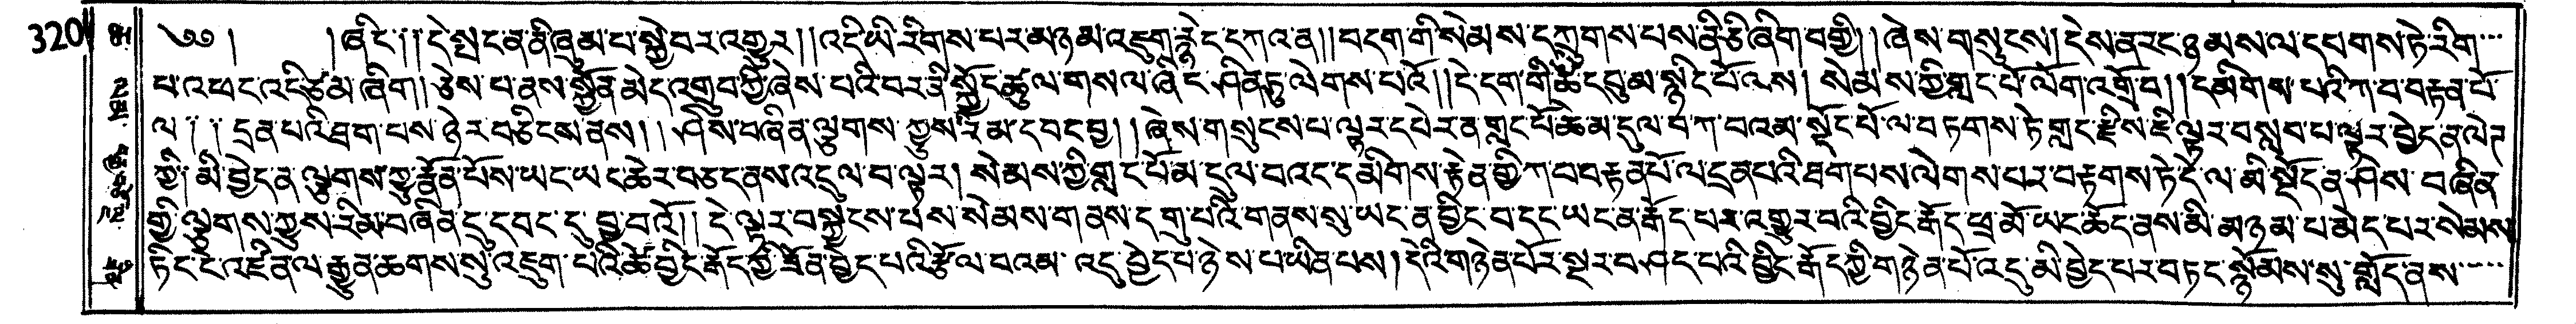༄༅། །ཞིང༑ ༑དེ་སྤང་ན་ནི་ཞུམ་པ་སྐྱེ་བར་འགྱུར། །འདི་ཡི་རིགས་པར་མཉམ་འཇུག་རྙེད་དཀའ་ན། །བདག་གི་སེམས་དཀྲུགས་པས་ནི་ཅི་ཞིག་བགྱི། །ཞེས་གསུངས། དེས་ན་རང་ཉམས་ལ་དཔགས་ཏེ་རིག་
པ་འཕང་འདི་ཙམ་ཞིག །ཅེས་པ་ནས་སྐྱོན་མེད་འགྲུབ་ཀྱི་ཞེས་པའི་བར་ནི་སྐྱོང་ཚུལ་གསལ་ཞིང་ཤིན་ཏུ་ལེགས་པའོ། །དེ་དག་གི་ཚེ་དབུ་མ་སྙིང་པོ་ལས། སེམས་ཀྱི་གླང་པོ་ལོག་འགྲོ་བ། །དམིགས་པའི་ཀ་བ་བརྟན་པོ་
ལ༑ ༑དྲན་པའི་ཐག་པས་ཉེར་བཅིངས་ནས། །ཤེས་བཞིན་ལྕགས་ཀྱུས་རམ་དབང་བྱ། །ཞེས་གསུངས་པ་ལྟར་དཔེར་ན་གླང་པོ་ཆེ་མ་དུལ་བ་ཀ་བའམ་སྡོང་པོ་ལ་བཏགས་ཏེ་གླང་རྫིས་ཇི་ལྟར་བསླབ་པ་ལྟར་བྱེད་ན་ལེགས་
ཀྱི༑ མི་བྱེད་ན་ལྕགས་ཀྱུ་རྣོན་པོས་ཡང་ཡང་ཆེར་བཅད་ནས་འདུལ་བ་ལྟར། སེམས་ཀྱི་གླང་པོ་མ་དུལ་བའང་དམིགས་རྟེན་གྱི་ཀ་བ་བརྟན་པོ་ལ་དྲན་པའི་ཐག་པས་ལེགས་པར་བརྟགས་ཏེ་དེ་ལ་མི་སྡོད་ན་ཤེས་བཞིན་
གྱི་ལྕགས་ཀྱུས་རིམ་བཞིན་དུ་དབང་དུ་བྱ་བའོ། །དེ་ལྟར་བསྐྱངས་པས་སེམས་གནས་དགུ་པའི་གནས་སུ་ཡང་ན་བྱིང་བ་དང་ཡང་ན་རྒོད་པར་འགྱུར་བའི་བྱིང་རྒོད་ཕྲ་མོ་ཡང་ཆོད་ནས་མི་མཉམ་པ་མེད་པར་སེམས་
ཏིང་ངེ་འཛིན་ལ་རྒྱུན་ཆགས་སུ་འཇུག་པའི་ཚེ་བྱིང་རྒོད་ཀྱི་ཟོན་བྱེད་པའི་རྩོལ་བའམ་འདུ་བྱེད་པ་ཉེས་པ་ཡིན་པས། དེའི་གཉེན་པོར་སྔར་བཤད་པའི་བྱིང་རྒོད་ཀྱི་གཉེན་པོ་འདུ་མི་བྱེད་པར་བཏང་སྙོམས་སུ་གློད་ནས་